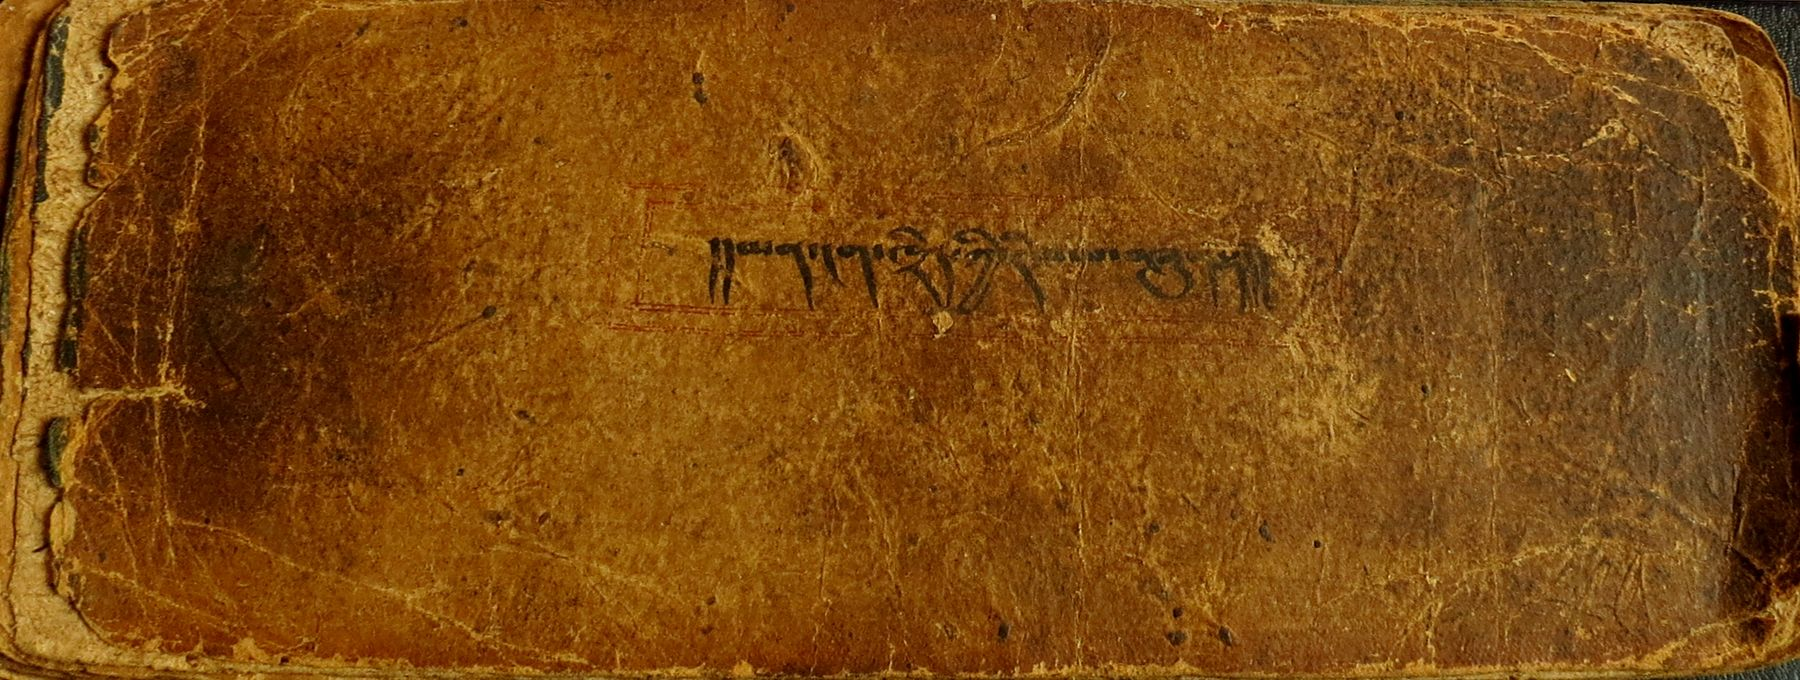མན་ངག་ཁྲིད་ཀྱི་རིམ་པ་བཞུགས་སོ། །